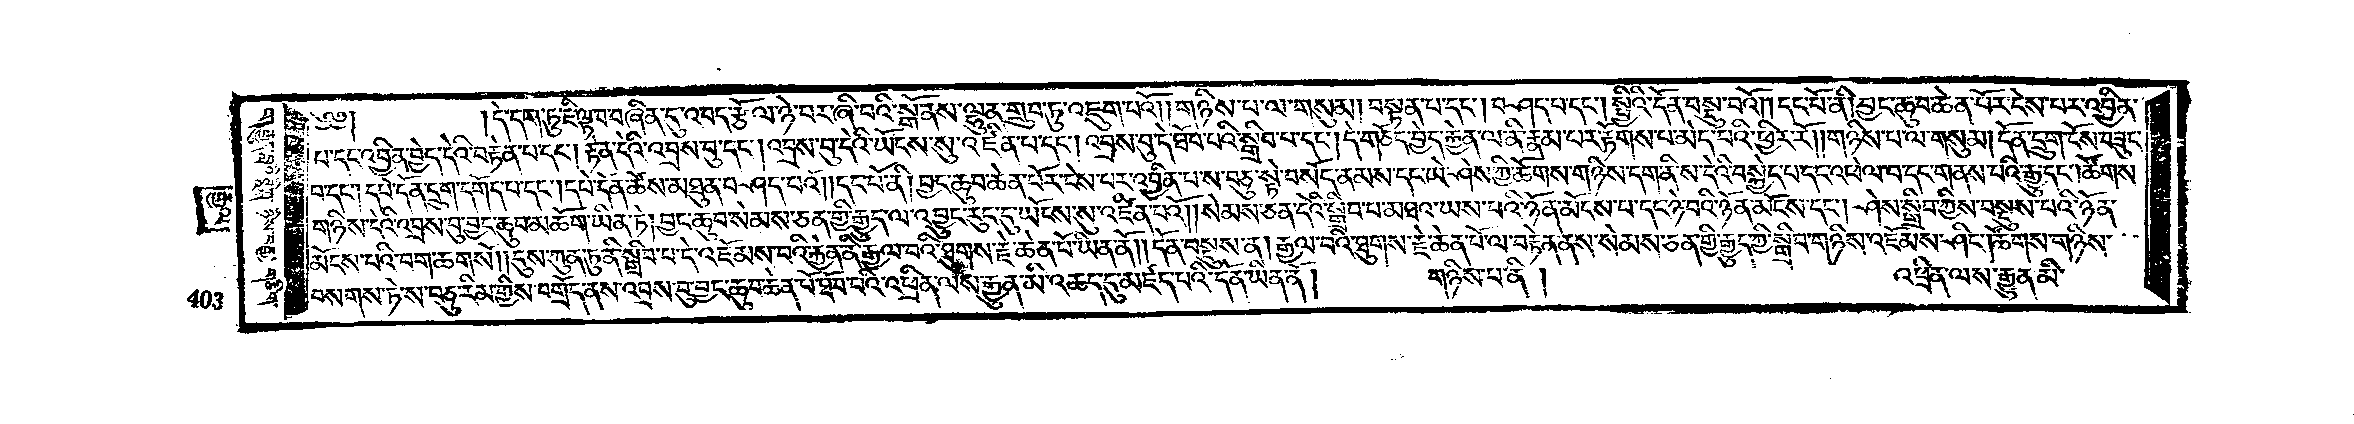༄༅། །དེ་དག་ཏུ་ཇི་ལྟ་བ་བཞིན་དུ་འབད་རྩོལ་ཉེ་བར་ཞི་བའི་སྒོ་ནས་ལྷུན་གྲུབ་ཏུ་འཇུག་པའོ། །གཉིས་པ་ལ་གསུམ། བསྟན་པ་དང་། བཤད་པ་དང་། སྤྱིའི་དོན་བསྡུ་བའོ། །དང་པོ་ནི། བྱང་ཆུབ་ཆེན་པོར་ངེས་པར་འབྱིན་
པ་དང་འབྱིན་བྱེད་དེའི་བརྟེན་པ་དང་། རྟེན་དེའི་འབྲས་བུ་དང་། འབྲས་བུ་དེའི་ཡོངས་སུ་འཛིན་པ་དང་། འབྲས་བུ་དེ་ཐོབ་པའི་སྒྲིབ་པ་དང་། དེ་གཅོད་བྱེད་རྐྱེན་ལ་ནི་རྣམ་པར་རྟོགས་པ་མེད་པའི་ཕྱིར་རོ། །གཉིས་པ་ལ་གསུམ། དོན་དྲུག་ངོས་བཟུང་
བ་དང་། དཔེ་དོན་དྲུག་དགོད་པ་དང་། དཔེ་དོན་ཆོས་མཐུན་བཤད་པའོ། །དང་པོ་ནི། བྱང་ཆུབ་ཆེན་པོར་ངེས་པར་འབྱིན་པ་ས་བཅུ་སྟེ་བསོད་ནམས་དང་ཡེ་ཤེས་ཀྱི་ཚོགས་གཉིས་དག་ནི་ས་དེའི་བསྐྱེད་པ་དང་འཕེལ་བ་དང་གནས་པའི་རྒྱུ་དང་། ཚོགས་
གཉིས་དེའི་འབྲས་བུ་བྱང་ཆུབ་མཆོག་ཡིན་ཏེ། བྱང་ཆུབ་སེམས་ཅན་གྱི་རྒྱུད་ལ་འབྱུང་རུང་དུ་ཡོངས་སུ་འཛིན་པའོ། །སེམས་ཅན་དེའི་སྒྲིབ་པ་མཐའ་ཡས་པའི་ཉོན་མོངས་པ་དང་ཉེ་བའི་ཉོན་མོངས་དང་། ཤེས་སྒྲིབ་ཀྱིས་བསྡུས་པའི་ཉོན་
མོངས་པའི་བག་ཆགས་སོ། །དུས་ཀུན་ཏུ་ནི་སྒྲིབ་པ་དེ་འཇོམས་པའི་རྐྱེན་ནི་རྒྱལ་བའི་ཐུགས་རྗེ་ཆེན་པོ་ཡིན་ནོ། །དོན་བསྡུས་ན། རྒྱལ་བའི་ཐུགས་རྗེ་ཆེན་པོ་ལ་བརྟེན་ནས་སེམས་ཅན་གྱི་རྒྱུད་ཀྱི་སྒྲིབ་གཉིས་འཇོམས་ཤིང་། ཚོགས་གཉིས་
བསགས་ཏེ་ས་བཅུ་རིམ་གྱིས་བགྲོད་ནས་འབྲས་བུ་བྱང་ཆུབ་ཆེན་པོ་ཐོབ་པའི་འཕྲིན་ལས་རྒྱུན་མི་འཆད་དུ་མཛད་པའི་དོན་ཡིན་ནོ། གཉིས་པ་ནི། འཕྲིན་ལས་རྒྱུན་མི་